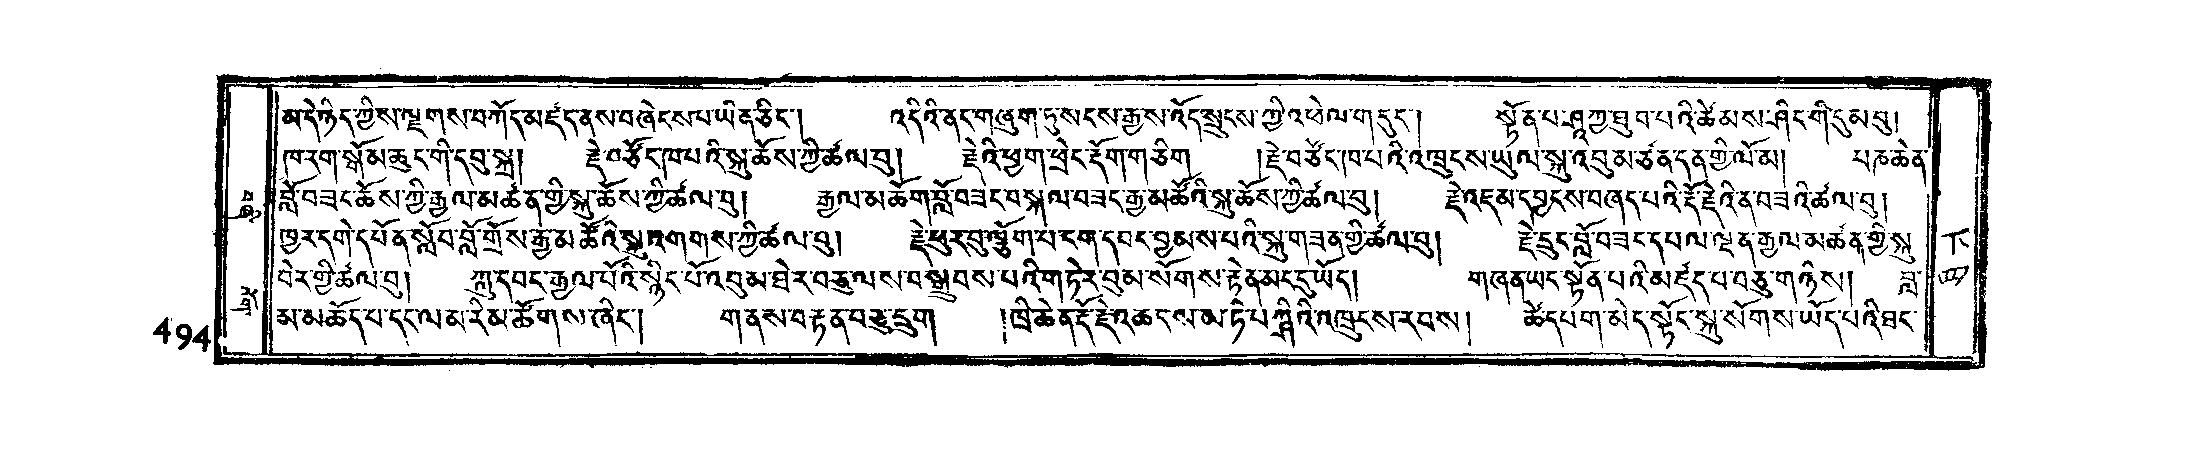མ་དེ་ཉིད་ཀྱིས་ལྗགས་བཀོད་མཛད་ནས་བཞེངས་པ་ཡིན་ཅིང་། འདིའི་ནང་གཞུག་ཏུ་སངས་རྒྱས་འོད་སྲུངས་ཀྱི་འཕེལ་གདུང་། སྟོན་པ་ཤཱཀྱ་ཐུབ་པའི་ཚེམས་ཤིང་གི་དུམ་བུ།
ཁ་རག་སྒོམ་ཆུང་གི་དབུ་སྐྲ། རྗེ་བཙོང་ཁ་པའི་སྐུ་ཆོས་ཀྱི་ཚལ་བུ། རྗེའི་ཕྱག་ཕྲེང་རྡོག་གཅིག །རྗེ་བཙོང་ཁ་པའི་འཁྲུངས་ཡུལ་སྐུ་འབུམ་ཙན་དན་གྱི་ལོ་མ། པཎ་ཆེན་
བློ་བཟང་ཆོས་ཀྱི་རྒྱལ་མཚན་གྱི་སྐུ་ཆོས་ཀྱི་ཚལ་བུ། རྒྱལ་མཆོག་བློ་བཟང་བསྐལ་བཟང་རྒྱ་མཚོའི་སྐུ་ཆོས་ཀྱི་ཚལ་བུ། རྗེ་འཇམ་དབྱངས་བཞད་པའི་རྡོ་རྗེའི་ན་བཟའི་ཚལ་བུ།
ཁྱར་དགེ་དཔོན་སློབ་བློ་གྲོས་རྒྱ་མཚོའི་སྐུ་འགགས་ཀྱི་ཚལ་བུ། རྗེ་ཕུར་བུ་ལྕོག་པ་ངག་དབང་བྱམས་པའི་སྐུ་གཟན་གྱི་ཚལ་བུ། རྗེ་དྲུང་བློ་བཟང་དཔལ་ལྡན་རྒྱལ་མཚན་གྱི་སྐུ་
བེར་གྱི་ཚལ་བུ། ཀླུ་དབང་རྒྱལ་པོའི་སྙིང་པོ་འབུམ་ཐེར་བཅུ་ལས་བསྒྲུབས་པའི་གཏེར་བུམ་སོགས་རྟེན་མང་དུ་ཡོད། གཞན་ཡང་སྟོན་པའི་མཛད་པ་བཅུ་གཉིས། བླ་
མ་མཆོད་པ་དང་ལམ་རིམ་ཚོགས་ཞིང་། གནས་བརྟན་བཅུ་དྲུག །ཁྲི་ཆེན་རྡོ་རྗེ་འཆངས་མ་ཏི་པཀྴིའི་འཁྲུངས་རབས། ཚེ་དཔག་མེད་སྟོང་སྐུ་སོགས་ཡོད་པའི་ཐང་